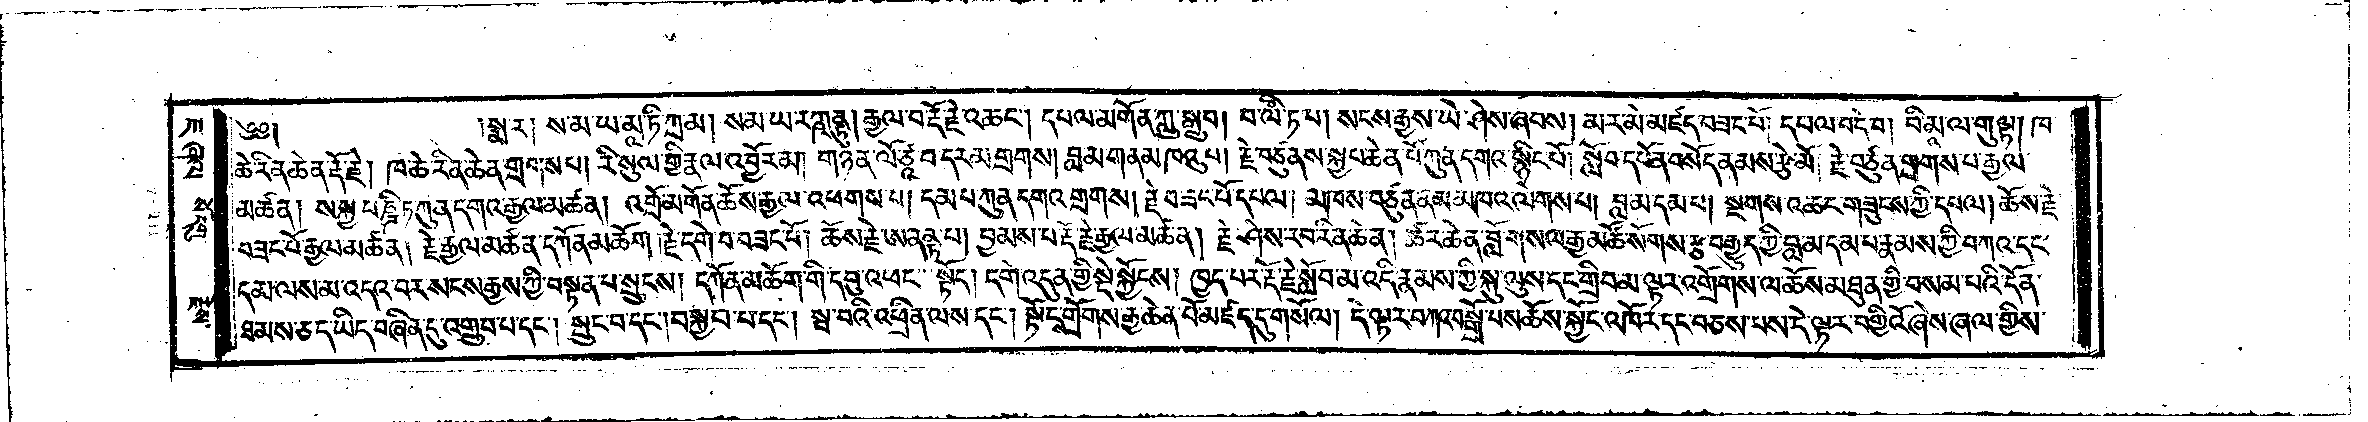༄༅། །སྨ་ར། ས་མ་ཡ་མཱ་ཏི་ཀྲ་མ། ས་མ་ཡ་རཀྵནྟུ། རྒྱལ་བ་རྡོ་རྗེ་འཆང་། དཔལ་མགོན་ཀླུ་སྒྲུབ། བ་ལིཾ་ཏ་པ། སངས་རྒྱས་ཡེ་ཤེས་ཞབས། མར་མེ་མཛད་པ་བཟང་པོ། དཔལ་བདེ་བ། བི་མཱ་ལ་གུཔྟ། ཁ་
ཆེ་རིན་ཆེན་རྡོ་རྗེ། ཁ་ཆེ་རིན་ཆེན་གྲགས་པ། རི་སུལ་གྱི་རྣལ་འབྱོར་མ། གཉན་ལོ་ཙཱ་བ་དར་མ་གྲགས། བླ་མ་གནམ་ཁའུ་པ། རྗེ་བཙུན་ས་སྐྱ་པ་ཆེན་པོ་ཀུན་དགའ་སྙིང་པོ། སློབ་དཔོན་བསོད་ནམས་རྩེ་མོ། རྗེ་བཙུན་གྲགས་པ་རྒྱལ་
མཚན། ས་སྐྱ་པཎྜི་ཏ་ཀུན་དགའ་རྒྱལ་མཚན། འགྲོ་མགོན་ཆོས་རྒྱལ་འཕགས་པ། དམ་པ་ཀུན་དགའ་གྲགས། རྗེ་བཟང་པོ་དཔལ། མཁས་བཙུན་ནམ་མཁའ་ལེགས་པ། བླ་མ་དམ་པ། སྔགས་འཆང་གཟུངས་ཀྱི་དཔལ། ཆོས་རྗེ་
བཟང་པོ་རྒྱལ་མཚན། རྗེ་རྒྱལ་མཚན་དཀོན་མཆོག །རྗེ་དགེ་བ་བཟང་པོ། ཆོས་རྗེ་ཨ་ནནྟ་པ། བྱམས་པ་རྡོ་རྗེ་རྒྱལ་མཚན། རྗེ་ཤེས་རབ་རིན་ཆེན། ཚར་ཆེན་བློ་གསལ་རྒྱ་མཚོ་སོགས་རྩ་བརྒྱུད་ཀྱི་བླ་མ་དམ་པ་རྣམས་ཀྱི་བཀའ་དང་
དམ་ལས་མ་འདའ་བར་སངས་རྒྱས་ཀྱི་བསྟན་པ་སྲུངས། དཀོན་མཆོག་གི་དབུ་འཕང་སྟོད། དགེ་འདུན་གྱི་སྡེ་སྐྱོངས། ཁྱད་པར་རྡོ་རྗེ་སློབ་མ་འདི་རྣམས་ཀྱི་སྐུ་ལུས་དང་གྲིབ་མ་ལྟར་འགྲོགས་ལ་ཆོས་མཐུན་གྱི་བསམ་པའི་དོན་
ཐམས་ཅད་ཡིད་བཞིན་དུ་འགྲུབ་པ་དང་། སྲུང་བ་དང་། བསྐྱབ་པ་དང་། སྦ་བའི་འཕྲིན་ལས་དང་། སྟོངས་གྲོགས་རྒྱ་ཆེན་པོ་མཛད་དུ་གསོལ། དེ་ལྟར་བཀའ་བསྒྲོ་པས་ཆོས་སྐྱོང་འཁོར་དང་བཅས་པས་དེ་ལྟར་བགྱིའོ་ཞེས་ཞལ་གྱིས་